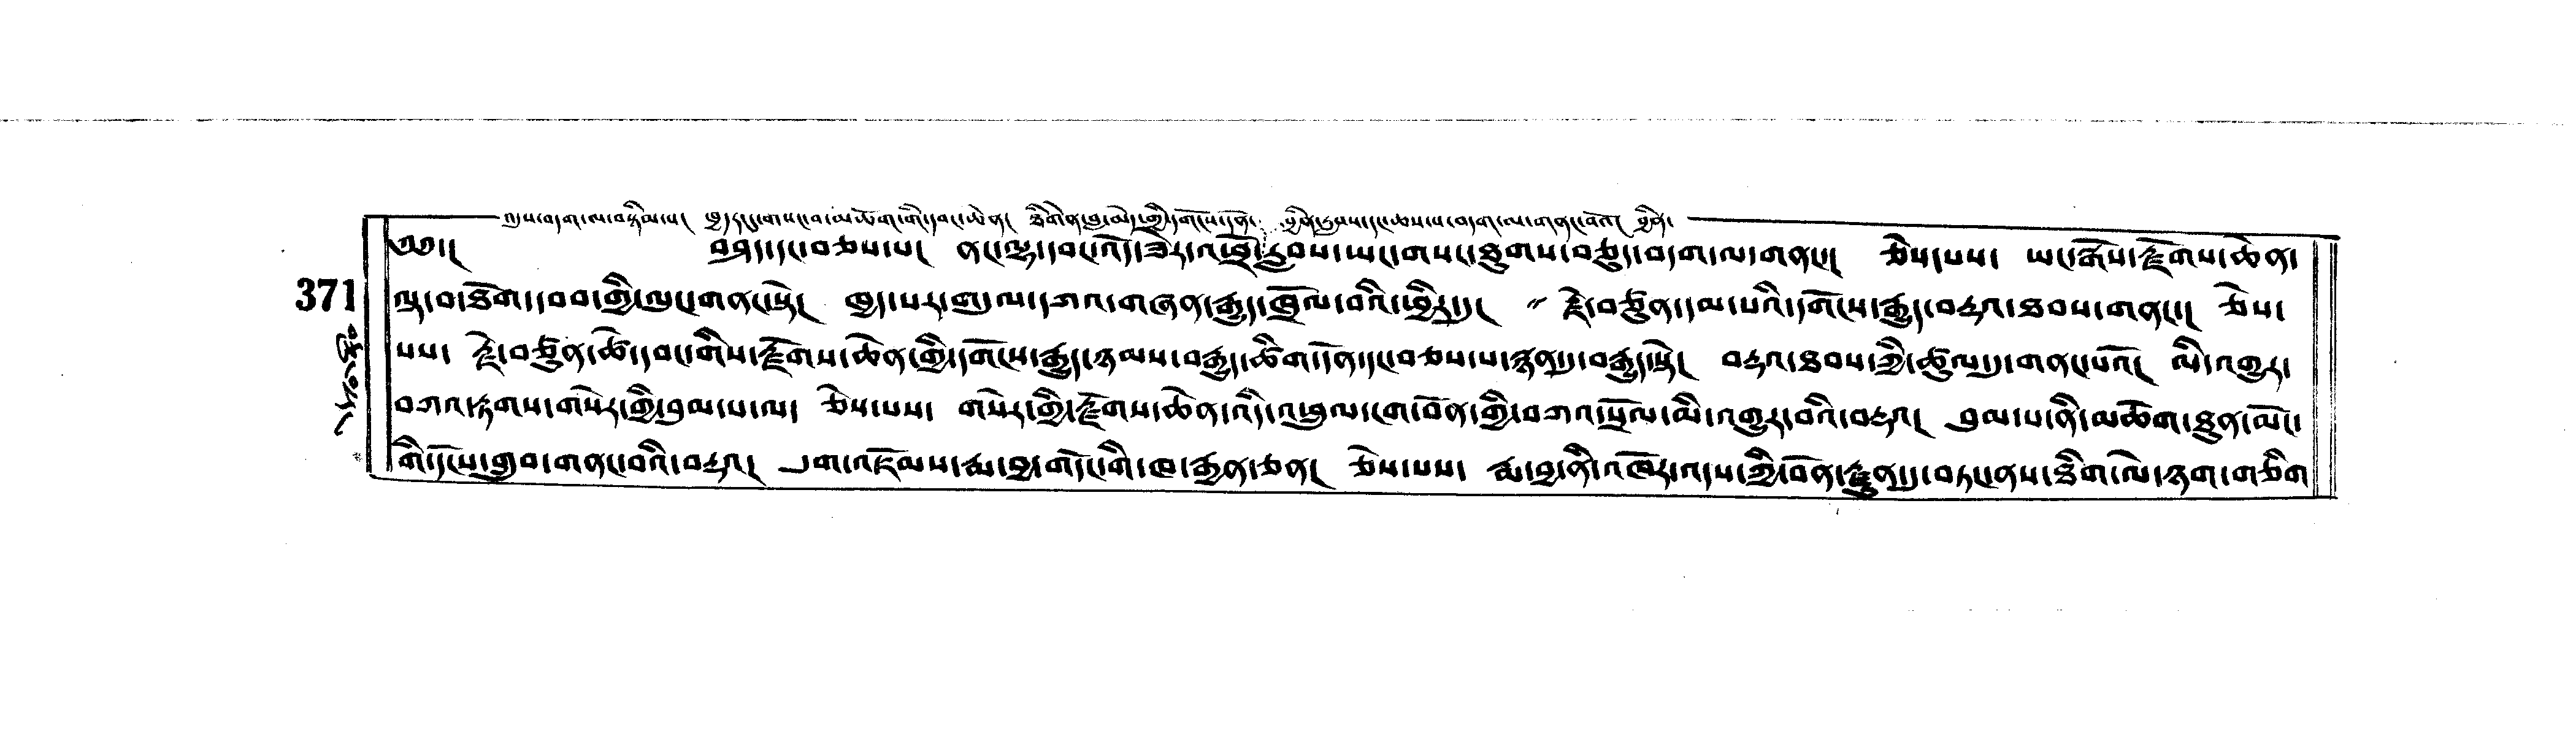བཤད་དང་བཅས་པ། ནང་ལྷ་དབང་འོད་ཟེར་འཕྲོ་འདུས་བདག་ལ་བསྟིམ། ཁྱད་པར་དུ་གསང་བ་མཆོག་གི་དབང་ཆེན། ཐེག་ཆེན་བླ་མེད་ཀྱི་དགོངས་དོན། བྱིན་རླབས་དང་ཆས་པ་བདག་ལ་གནང་བའོ། བྱིན་རླབས་ཡང་གསང་ཐུགས་བཅུད་བདག་ལ་གནང་། ཅེས་པས། ཡང་སྒོས་རྫོགས་ཆེན་
ལྟ་བ་ཐོག་དབབ་ཀྱི་ལུང་གནང་སྟེ། ཁྱད་པར་གདུལ་དཀའ་གཞན་རྒྱུད་ཁྲོལ་བའི་ཕྱིར་དུ། ༧ རྗེ་བཙུན་དམ་པའི་དགོངས་རྒྱུད་བརྡ་ཐབས་གནང་། ཅེས་
པས། རྗེ་བཙུན་ཚེ་དབང་གིས་རྫོགས་ཆེན་གྱི་དགོངས་རྒྱུད་ཉམས་རྒྱུད་ཚིག་དོན་དང་བཅས་པ་སྙན་དུ་བརྒྱུད་དེ། བརྡ་ཐབས་ཀྱི་ཚུལ་དུ་གནང་བའོ། མི་འགྱུར་
བཀའ་རྟགས་གསེར་གྱི་བུམ་པ་ལ། ཅེས་པས། གསེར་གྱི་རྫོགས་ཆེན་འདི་འཕྲུལ་ངག་བོན་གྱི་བཀའ་སྲོལ་མི་འགྱུར་བའི་བརྡ། བུམ་པ་ནི་མཆོག་ཐུན་མོང་
གི་དངོས་གྲུབ་གནང་བའི་བརྡ། དུག་འཇོམས་རྨ་བྱ་གདོང་གི་༼མདོངས་ཀྱི་༽ཁ་རྒྱན་ཅན། ཅེས་པས། རྨ་བྱ་ནི་འཁོར་འདས་ཀྱི་བོན་རྫུན་དུ་བཏང་ནས་ཐིག་ལེ་ཉག་ཅིག་